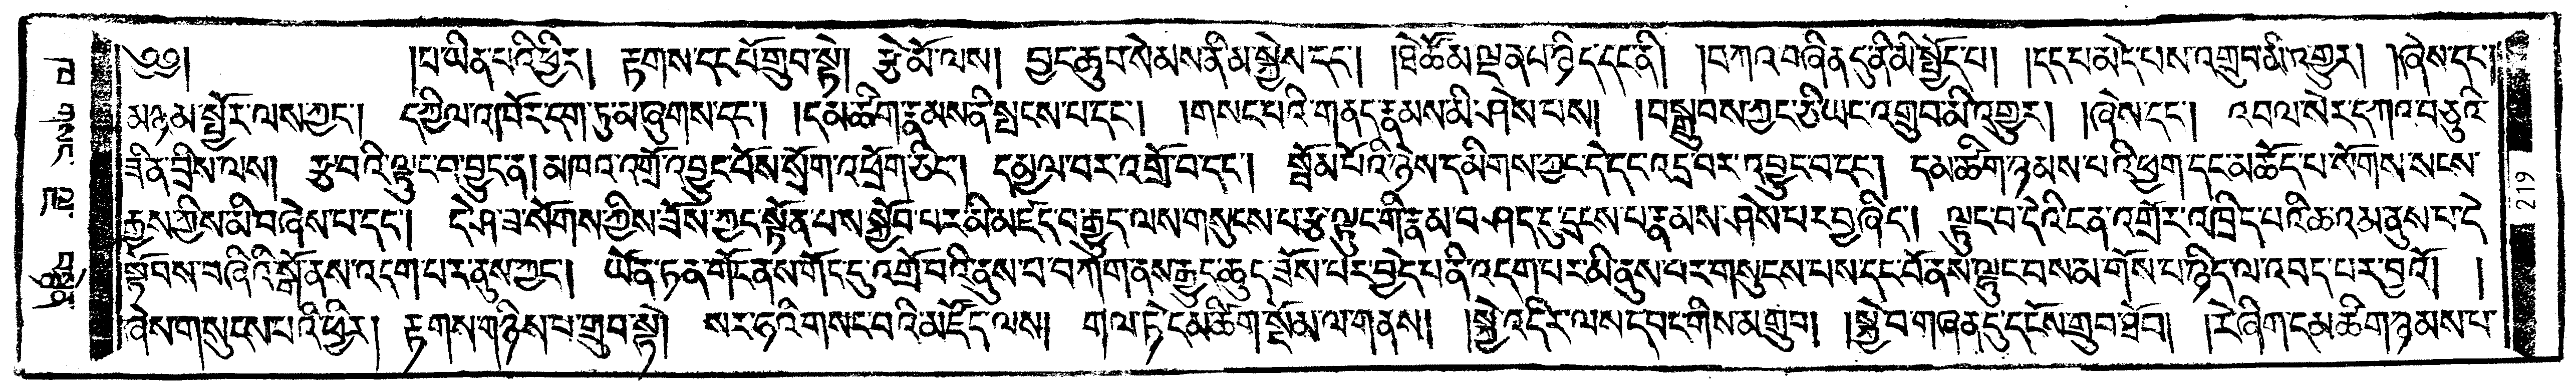༄༅། །པ་ཡིན་པའི་ཕྱིར། རྟགས་དང་པོ་གྲུབ་སྟེ། རྩེ་མོ་ལས། བྱང་ཆུབ་སེམས་ནི་མ་སྐྱེས་དང་། །ཐེ་ཚོམ་ལྡན་པ་ཉིད་དང་ནི། །བཀའ་བཞིན་དུ་ནི་མི་སྤྱོད་པ། །དད་པ་མེད་པས་འགྲུབ་མི་འགྱུར། །ཞེས་དང་
མཉམ་སྤྱོར་ལས་ཀྱང་། དཀྱིལ་འཁོར་དག་ཏུ་མ་ཞུགས་དང་། །དམ་ཚིག་རྣམས་ནི་སྤངས་པ་དང་། །གསང་པའི་གནད་རྣམས་མི་ཤེས་པས། །བསྒྲུབས་ཀྱང་ཅི་ཡང་འགྲུབ་མི་འགྱུར། །ཞེས་དང་། འབལ་སེར་དཀའ་བཅུའི་
ཟིན་བྲིས་ལས། རྩ་བའི་ལྟུང་བ་བྱུང་ན། མཁའ་འགྲོ་འབྱུང་པོས་སྲོག་འཕྲོག་ཅིང་། དམྱལ་བར་འགྲོ་བ་དང་། སྦོམ་པོའི་ཉེས་དམིགས་ཀྱང་དེ་དང་འདྲ་བར་འབྱུང་བ་དང་། དམ་ཚིག་ཉམས་པའི་ཕྱག་དང་མཆོད་པ་སོགས་སངས་
རྒྱས་ཀྱིས་མི་བཞེས་པ་དང་། དེ་ཤ་ཟ་སོགས་ཀྱིས་ཟོས་ཀྱང་སྟོན་པས་སྐྱོབ་པར་མི་མཛད་བ་རྒྱུད་ལས་གསུངས་པ་རྩ་ལྟུང་གི་རྣམ་བཤད་དུ་དྲངས་པ་རྣམས་ཤེས་པར་བྱ་ཞིང་། ལྟུང་བ་དེའི་ངན་འགྲོར་འཁྲིད་པའི་ཆ་འམ་ནུས་པ་དེ་
སྟོབས་བཞིའི་སྒོ་ནས་འདག་པར་ནུས་ཀྱང་། ཡོན་ཏན་གོང་ནས་གོང་དུ་འགྲོ་བའི་ནུས་པ་བཀག་ནས་རྒྱུད་ཆུད་ཟོས་པར་བྱེད་པ་ནི་འདག་པར་མི་ནུས་པར་གསུངས་པས་དང་པོ་ནས་ལྷུང་བསམ་གོས་པ་ཉིད་ལ་འབད་པར་བྱའོ། །
ཞེས་གསུངས་པའི་ཕྱིར། རྟགས་གཉིས་པ་གྲུབ་སྟེ། སར་ཧའི་གསང་བའི་མཛོད་ལས། གལ་ཏེ་དམ་ཚིག་སྡོམ་ལ་གནས། །སྐྱེ་འདིར་ལས་དབང་གིས་མ་གྲུབ། །སྐྱེ་བ་གཞན་དུ་དངོས་གྲུབ་ཐོབ། །རེ་ཞིག་དམ་ཚིག་ཉམས་པ་